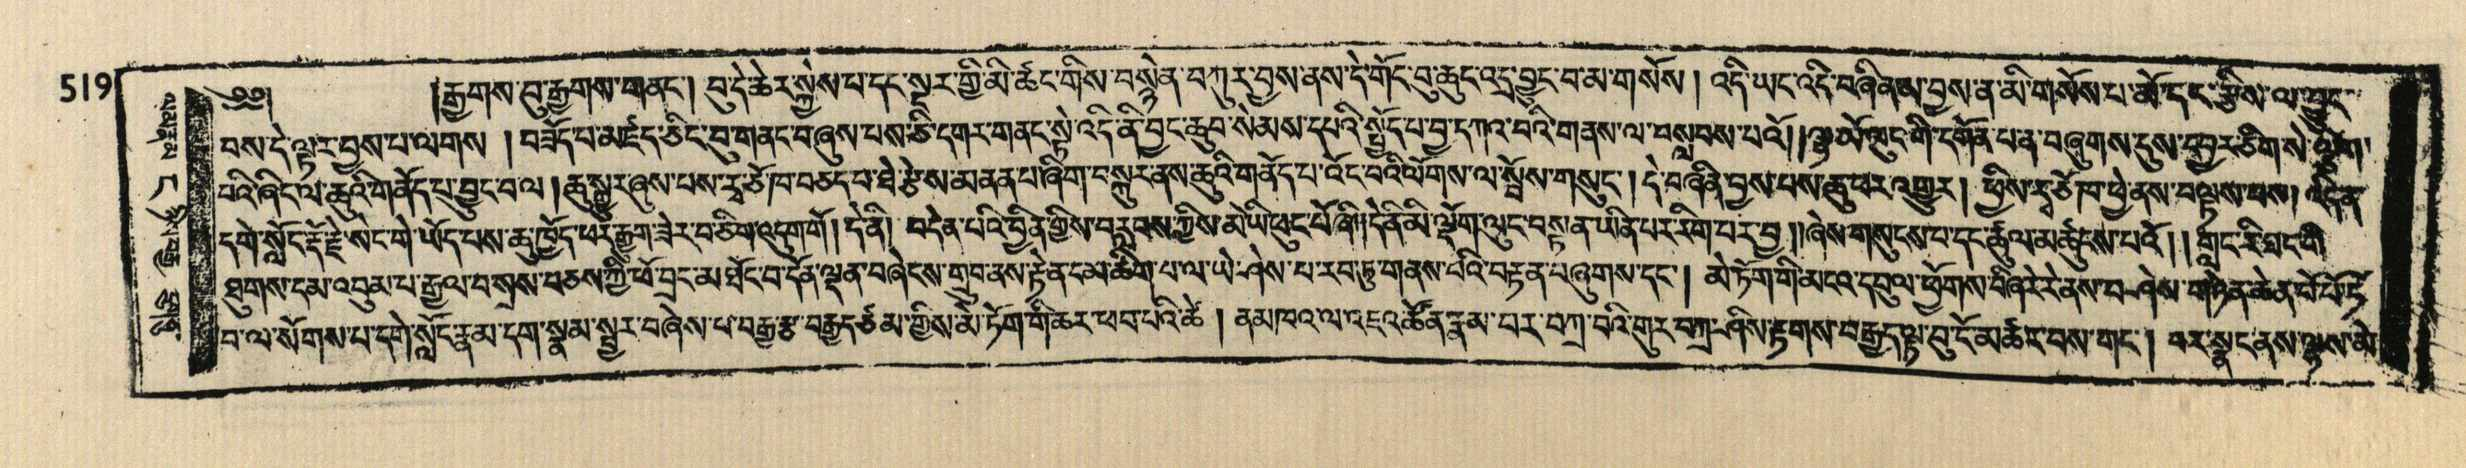༄༅། །རྒྱགས་བུ་རྒྱགས་གནང་། བུ་དེ་ཆེར་སྐྱེས་པ་དང་སྔར་གྱི་མི་ཚང་གིས་བསྙེན་བཀུར་བྱས་ནས་དེ་གོང་བུ་ཆུང་འདྲ་བྱུང་བ་མ་གསོས། འདི་ཡང་འདི་བཞིན་མ་བྱས་ན་མི་གསོས་པ་མོ་དང་རྩིས་ལ་བྱུང་
བས་དེ་ལྟར་བྱས་པ་ལགས། བཟོད་པ་མཛད་ཅིང་བུ་གནང་བ་ཞུས་པས་ཅི་དགར་གནང་སྟེ་འདི་ནི་བྱང་ཆུབ་སེམས་དཔའི་སྤྱོད་པ་བྱ་དཀའ་བའི་གནས་ལ་བསླབས་པའོ། །ལྷ་མོ་ལུང་གི་དགོན་པ་ན་བཞུགས་དུས་དབྱར་ཅིག་སེ་ལྕེག།
པའི་ཞིང་ལ་ཆུའི་གནོད་པ་བྱུང་བ་ལ། ཆུ་སྒྱུར་ཞུས་པས་རྭ་ཅོ་ཁ་བཅད་པ་ཐེ་རྩེས་མནན་པ་ཞིག་བསྐུར་ནས་ཆུའི་གནོད་པ་འོང་བའི་ལོགས་ལ་སྦོས་གསུང་། དེ་བཞིན་བྱས་པས་ཆུ་ཕར་འགྱུར། ཕྱིས་རྭ་ཅོ་ཁ་ཕྱེ་ནས་བལྟས་པས། འདི་ན་
དགེ་སློང་རྡོ་རྗེ་སེང་གེ་ཡོད་པས་ཆུ་ཁྱོད་ཕར་རྒྱུག་ཟེར་བ་ཅིག་འདུག་གོ། །དེ་ནི། བདེན་པའི་བྱིན་གྱིས་བརླབས་ཀྱིས་མི་ཡི་ཕུང་པོ་ཞི། །དེ་ནི་མི་ལྡོག་ལུང་བསྟན་ཡིན་པར་རིག་པར་བྱ། །ཞེས་གསུངས་པ་དང་ཚུལ་མཚུངས་པའོ། །གླང་རི་ཐང་གི་
ཐུགས་དམ་འབུམ་པ་རྒྱལ་བ་སྲས་བཅས་ཀྱི་ཕོ་བྲང་མཐོང་བ་དོན་ལྡན་བཞེངས་གྲུབ་ནས་རྟེན་དམ་ཚིག་པ་ལ་ཡེ་ཤེས་པ་རབ་ཏུ་གནས་པའི་བརྟན་པ་ཞུགས་དང་། མེ་ཏོག་གི་མངའ་དབུལ་ཕྱོགས་བཞི་རེ་རེ་ནས་བཤེས་གཉེན་ཆེན་པོ་པོ་ཏོ་
བ་ལ་སོགས་པ་དགེ་སློང་རྣམ་དག་སྣམ་སྦྱར་བཞེས་པ་བརྒྱ་རྩ་བརྒྱད་ཙམ་གྱིས་མེ་ཏོག་གི་ཆར་ཕབ་པའི་ཚེ། ནམ་མཁའ་ལ་འཇའ་ཚོན་རྣམ་པར་བཀྲ་བའི་གུར་བཀྲ་ཤིས་རྟགས་བརྒྱད་ལྟ་བུ་ངོ་མཚར་བས་གང་། བར་སྣང་ནས་ལྷས་མེ་